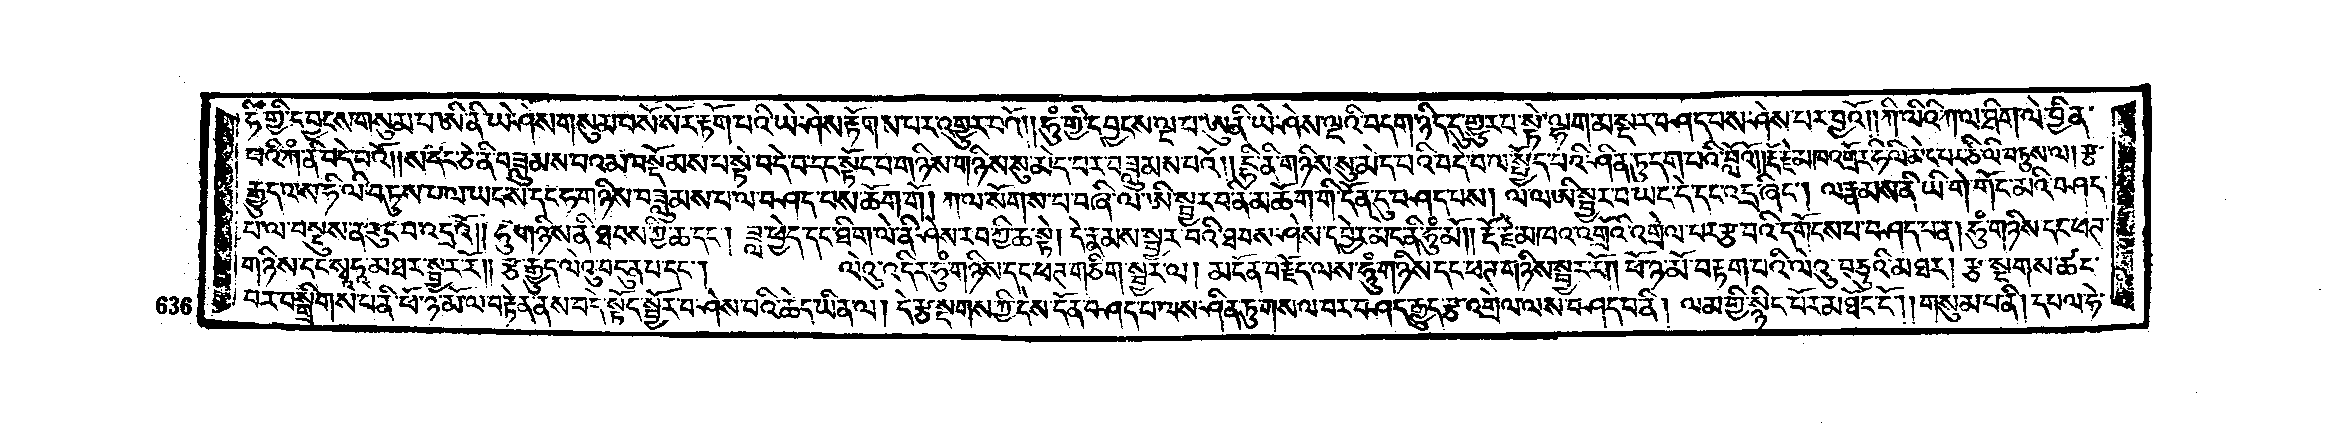ཧིཾ་གྱི་དབྱངས་གསུམ་པ་ཨི་ནི་ཡེ་ཤེས་གསུམ་པ་སོ་སོར་རྟོག་པའི་ཡེ་ཤེས་རྟོགས་པར་འགྱུར་བའོ། །ཧུཾ་གྱི་དབྱངས་ལྔ་པ་ཨུ་ནི་ཡེ་ཤེས་ལྔའི་བདག་ཉིད་དུ་གྱུར་པ་སྟེ་ལྷག་མ་སྔར་བཤད་པས་ཤེས་པར་བྱའོ། །ཀི་ལིའི་ཀ་ལ་ཐིག་ལེ་བྱིན་
པའི་ཀཾ་ནི་བདེ་བའོ། །ས་དང་ཅེ་ནི་བཟླུམས་པའམ་བསྡོམས་པ་སྟེ་བདེ་བ་དང་སྟོང་པ་གཉིས་གཉིས་སུ་མེད་པར་བཟླུམས་པའོ། །དྷི་ནི་གཉིས་སུ་མེད་པའི་བདེ་བ་ལ་སྤྱོད་པའི་ཤིན་ཏུ་དག་པའི་བློའོ། །རྡོ་རྗེ་མཁའ་གྲོར་ཧི་ལི་མེད་པར་ཙི་ལི་བཏུས་ལ། རྩ་
རྒྱུད་ལས་ཧི་ལི་བཏུས་པ་ལ་ཡང་ས་དང་ཧ་གཉིས་བཟླུམས་པ་ལ་བཤད་པས་ཆོག་གོ །ཀ་ལ་སོགས་པ་བཞི་ལ་ཨི་སྦྱར་བ་ནི་མཆོག་གི་དོན་དུ་བཤད་པས། ལ་ལ་ཨི་སྦྱར་བ་ཡང་དེ་དང་འདྲ་ཞིང་། ལ་རྣམས་ནི་ཡི་གེ་གོང་མའི་བཤད་
པ་ལ་བསྡུས་ན་རུང་བ་འདྲའོ། །ཧུ་གཉིས་ནི་ཐབས་ཀྱི་ཆ་དང་། ཟླ་ཕྱེད་དང་ཐིག་ལེ་ནི་ཤེས་རབ་ཀྱི་ཆ་སྟེ། དེ་རྣམས་སྦྱར་བའི་ཐབས་ཤེས་དབྱེར་མེད་ནི་ཧུཾ་མོ། །རྡོ་རྗེ་མཁའ་འགྲོའི་འགྲེལ་པར་རྩ་བའི་དགོངས་པ་བཤད་པ་ན། ཧུཾ་གཉིས་དང་ཕཊ་
གཉིས་དང་སྭཱ་ཧཱ་མཐར་སྦྱར་རོ། །རྩ་རྒྱུད་ལེའུ་བདུན་པ་དང་། ལེའུ་འདིར་ཧུཾ་གཉིས་དང་ཕཊ་གཅིག་སྦྱར་ལ། མངོན་བརྗོད་ལས་ཧཱུཾ་གཉིས་དང་ཕཊ་གཉིས་སྦྱར་རོ། །ཕོ་ཉ་མོ་བརྟག་པའི་ལེའུ་བཅུའི་མཐར། རྩ་སྔགས་ཚང་
བར་བསྒྲིགས་པ་ནི་ཕོ་ཉ་མོ་ལ་བརྟེན་ནས་བདེ་སྟོང་སྦྱོར་བ་ཤེས་པའི་ཆེད་ཡིན་ལ། དེ་རྩ་སྔགས་ཀྱི་དེས་དོན་བཤད་པ་ལས་ཤིན་ཏུ་གསལ་བར་བཤད་པ་རྒྱུད་རྩ་འགྲེལ་ལས་བཤད་པ་ནི། ལམ་གྱི་སྙིང་པོར་མཐོང་ངོ། །གསུམ་པ་ནི། དཔལ་ཧེ་